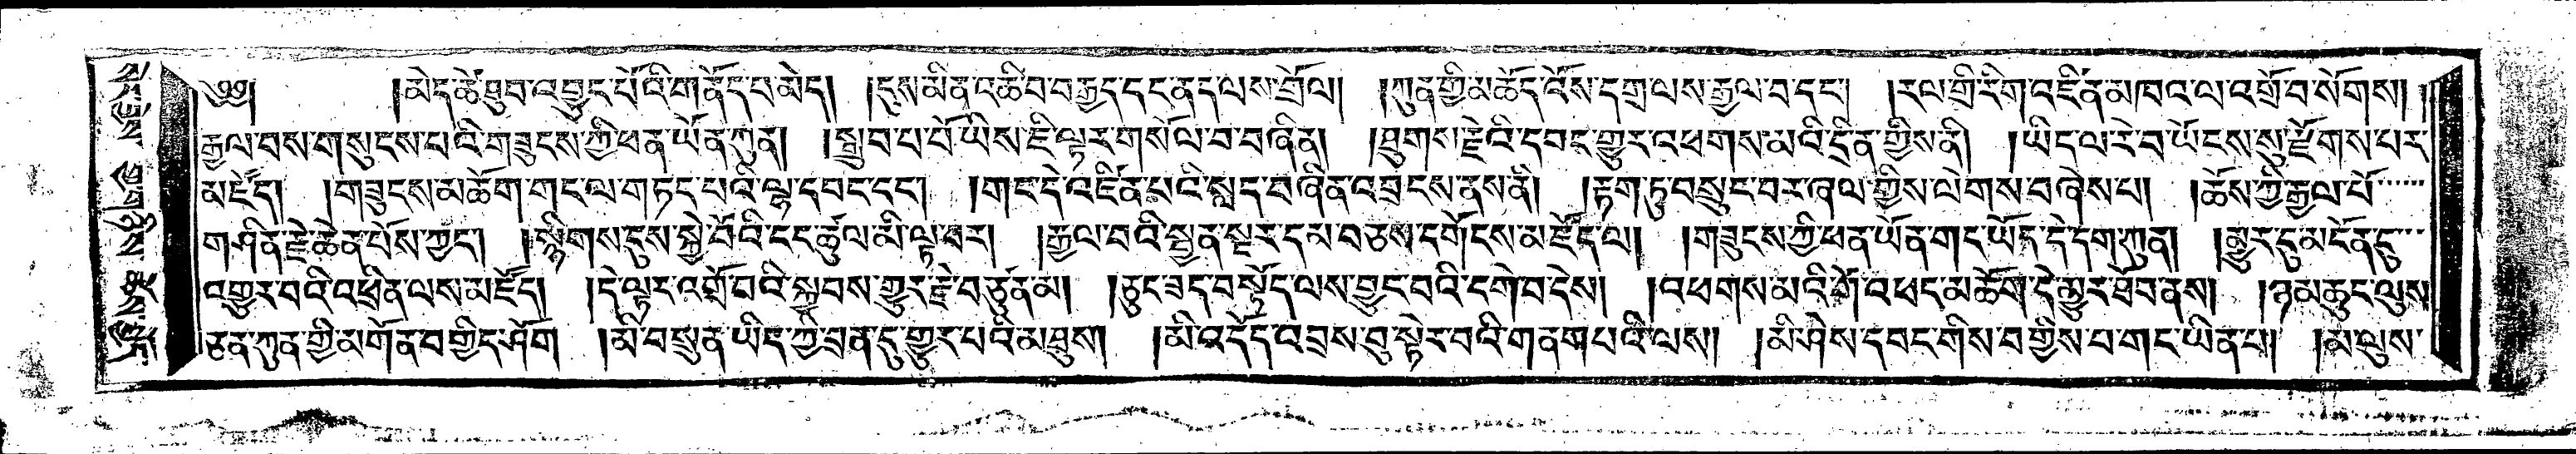༄༅། །མེད་ཚེ་ཐུབ་འབྱུང་པོའི་གནོད་པ་མེད། །དུས་མིན་འཆི་བ་བརྒྱད་དང་ནད་ལས་གྲོལ། །ཀུན་གྱི་མཆོད་འོས་དགྲ་ལས་རྒྱལ་བ་དང་། །རལ་གྲི་རིག་འཛིན་མཁའ་ལ་འགྲོ་བ་སོགས། །
རྒྱལ་བས་གསུངས་པའི་གཟུངས་ཀྱི་ཕན་ཡོན་ཀུན། །སྒྲུབ་པ་པོ་ཡིས་ཇི་ལྟར་གསོལ་བ་བཞིན། །ཐུགས་རྗེའི་དབང་གྱུར་འཕགས་མའི་དྲིན་གྱིས་ནི། །ཡིད་ལ་རེ་བ་ཡོངས་སུ་རྫོགས་པར་
མཛོད། །གཟུངས་མཆོག་གང་ལ་གཏང་པའི་ལྷ་དབང་དང་། །གང་དེ་འཛིན་པའི་སླད་བཞིན་འབྲངས་ནས་ནི། །རྟག་ཏུ་བསྲུང་བར་ཞལ་གྱིས་ལེགས་བཞེས་པ། །ཆོས་ཀྱི་རྒྱལ་པོ་
གཤིན་རྗེ་ཆེན་པོས་ཀྱང་། །སྙིགས་དུས་སྐྱེ་བོའི་ངང་ཚུལ་མི་ལྟ་བར། །རྒྱལ་བའི་སྤྱན་སྔར་དམ་བཅས་དགོངས་མཛོད་ལ། །གཟུངས་ཀྱི་ཕན་ཡོན་གང་ཡོད་དེ་དག་ཀུན། །མྱུར་དུ་མངོན་དུ་
འགྱུར་བའི་འཕྲིན་ལས་མཛོད། །དེ་ལྟར་འགྲོ་བའི་སྐྱབས་གྱུར་རྗེ་བཙུན་མ། །ཅུང་ཟད་བསྟོད་ལས་བྱུང་བའི་དགེ་བ་དེས། །འཕགས་མའི་གོ་འཕང་མཆོག་དེ་མྱུར་ཐོབ་ནས། །ཉམ་ཆུང་ལུས་
ཅན་ཀུན་གྱི་མགོན་བགྱིད་ཤོག །མི་བསྲུན་ཡིད་ཀྱི་བྲན་དུ་གྱུར་པའི་མཐུས། །མི་འདོད་འབྲས་བུ་སྟེར་བའི་གནག་པའི་ལས། །མི་ཤེས་དབང་གིས་བགྱིས་པ་གང་ཡིན་པ། །མ་ལུས་